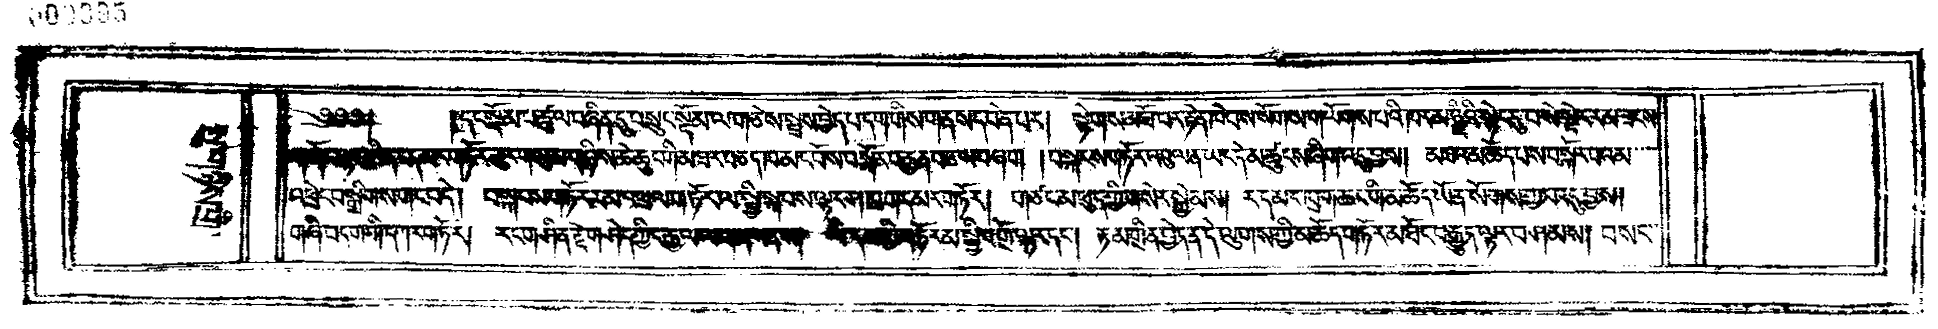༄༅༅། །དང་སྡོམ་པ་ཚུལ་བཞིན་དུ་བསྲུང་སྡོམ་ལ་གཅེས་སྤྲས་བྱེད་པ་དག་གིས་གནས་དཔེན་པར། སྟེགས་མཐོ་བར་རྟེན་ཁེབས་སོགས་གཡོགས་པའི་ཁར་མ་ཉྫིའི་སྟེང་དུ་བསེ་སྡེར་རམ་ཟངས་
གཞོང་ལྟ་བུའི་ནང་དམར་གཏོར་ཟུར་གསུམ་གཉིས་ཆེ་ཆུང་གི་མཐར་བཅད་ཁ་མང་པོས་བསྐོར་བརྒྱན་བཅས་བཞག །བསྐངས་གཏོར་འབུལ་ན་ཡང་དེ་མཚུངས་ཞིག་འདུ་བྱས། མཐའ་མཆོད་པས་བསྐོར་བའམ་
འཕྲེང་བསྒྲིགས་གང་བདེ། བསྐངས་གཏོར་རམ་འཕྲལ་གཏོར་ལ་སྤྱི་སྐབས་ལྟར་ཤ་ཁྲག་དམར་གཏོར། གཙང་མ་ཕུད་ཀྱི་གསེར་སྐྱེམས། ར་དམར་ཁྲག་ཆང་གི་མཆོད་ཡོན་སོགས་ཀྱང་འདུ་བྱས།
གཞི་བདག་གི་དཀར་གཏོར། རང་གཤིན་རྗེ་གཤེད་ཀྱི་ང་རྒྱལ་ལ་གནས་ནས། ཡི་དམ་གྱི་གཏོར་མ་སྤྱི་འགྲོ་ལྟར་དང་། རྟ་མགྲིན་བྱེད་ན་དེ་ལུགས་ཀྱི་མཆོད་གཏོར་མཐོང་བརྒྱུད་ལྟར་བཤམས། བསང་